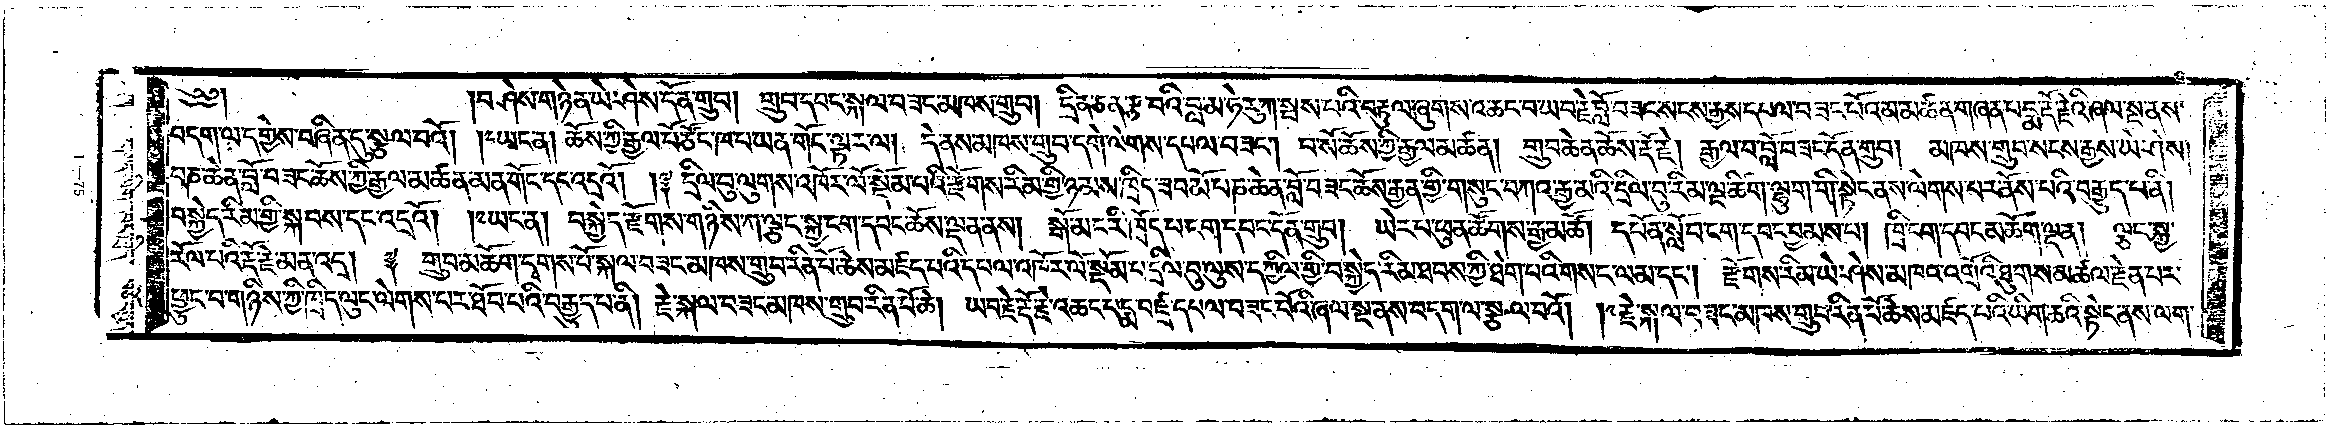༄༅། །བཤེས་གཉེན་ཡེ་ཤེས་དོན་གྲུབ། གྲུབ་དབང་སྐལ་བཟང་མཁས་གྲུབ། དྲིན་ཅན་རྩ་བའི་བླ་མ་ཧེ་རུ་ཀ་སྦས་པའི་བརྟུལ་ཞུགས་འཆང་བ་ཡབ་རྗེ་བློ་བཟང་སངས་རྒྱས་དཔལ་བཟང་པོའམ་མཚན་གཞན་པདམ་རྡོ་རྗེའི་ཞལ་སྔ་ནས་
བདག་ལ་དགྱེས་བཞིན་དུ་སྩལ་བའོ། །༧ཡང་ན། ཆོས་ཀྱི་རྒྱལ་པོ་ཙོང་ཁ་པ་ཡན་གོང་ལྟར་ལ། དེ་ནས་མཁས་གྲུབ་དགེ་ལེགས་དཔལ་བཟང་། བ་སོ་ཆོས་ཀྱི་རྒྱལ་མཚན། གྲུབ་ཆེན་ཆོས་རྡོ་རྗེ། རྒྱལ་བ་བློ་བཟང་དོན་གྲུབ། མཁས་གྲུབ་སངས་རྒས་ཡེ་ཤེས་
པཎ་ཆེན་བློ་བཟང་ཆོས་ཀྱི་རྒྱལ་མཚན་མན་གོང་དང་འདྲའོ། །༧དྲིལ་བུ་ལུགས་འཁོར་ལོ་སྡོམ་པའི་རྫོགས་རིམ་གྱི་ཉམས་ཁྲིད་ཟབ་མོ་པཎ་ཆེན་བློ་བཟང་ཆོས་རྒན་གྱི་གསུང་བཀའ་རྒྱ་མའི་དྲིལ་བུ་རིན་ལྔ་ཚིག་ལྷུག་གི་སྟེང་ནས་ལེགས་བར་ནོས་པའི་བརྒྱུད་པ་ནི།
བསྐྱེད་རིམ་གྱི་སྐབས་དང་འདྲའོ། །༧ཡང་ན། བསྐྱེད་རྫོགས་གཉིས་ཀ་ལྕང་སྐྱ་ངག་དབང་ཆོས་ལྡན་ནས། སྒོ་མང་རི་ཁྲོད་པ་ངག་དབང་དོན་གྲུབ། ཡེར་པ་ཕུན་ཚོགས་རྒྱ་མཚོ། དཔོན་སློབ་ངག་དབང་བྱམས་པ། ཁྲི་ངག་དབང་མཆོག་ལྡན། ལྕང་སྐྱ་
རོལ་པའི་རྡོ་རྗེ་མན་འདྲ། ༈ གྲུབ་མཆོག་དྭགས་པོ་སྐལ་བཟང་མཁས་གྲུབ་རིན་པོ་ཆེས་མཛད་པའི་དཔལ་འཁོར་ལོ་སྡོམ་པ་དྲིལ་བུ་ལུས་དཀྱིལ་གྱི་བསྐྱེད་རིམ་ཐབས་ཀྱི་ཐེག་པའི་གསང་ལམ་དང་།རྫོགས་རིམ་ཡེ་ཤེས་མཁའ་འགྲོའི་ཐུགས་མཚལ་རྗེན་པར་
ཕྱུང་བ་གཉིས་ཀྱི་ཁྲིད་ལུང་ལེགས་པར་ཐོབ་པའི་བརྒྱུད་པ་ནི། རྗེ་སྐལ་བཟང་མཁས་གྲུབ་རིན་པོ་ཆེ། ཡབ་རྗེ་རྡོ་རྗེ་འཆང་པདམ་བཛྲ་དཔལ་བཟང་པོའི་ཞལ་སྔ་ནས་བདག་ལ་སྩལ་བའོ། །༧རྗེ་སྐལ་བཟང་མཁས་གྲུབ་རིན་པོ་ཆེས་མཛད་པའི་ཡིག་ཆའི་སྟེང་ནས་ལག་